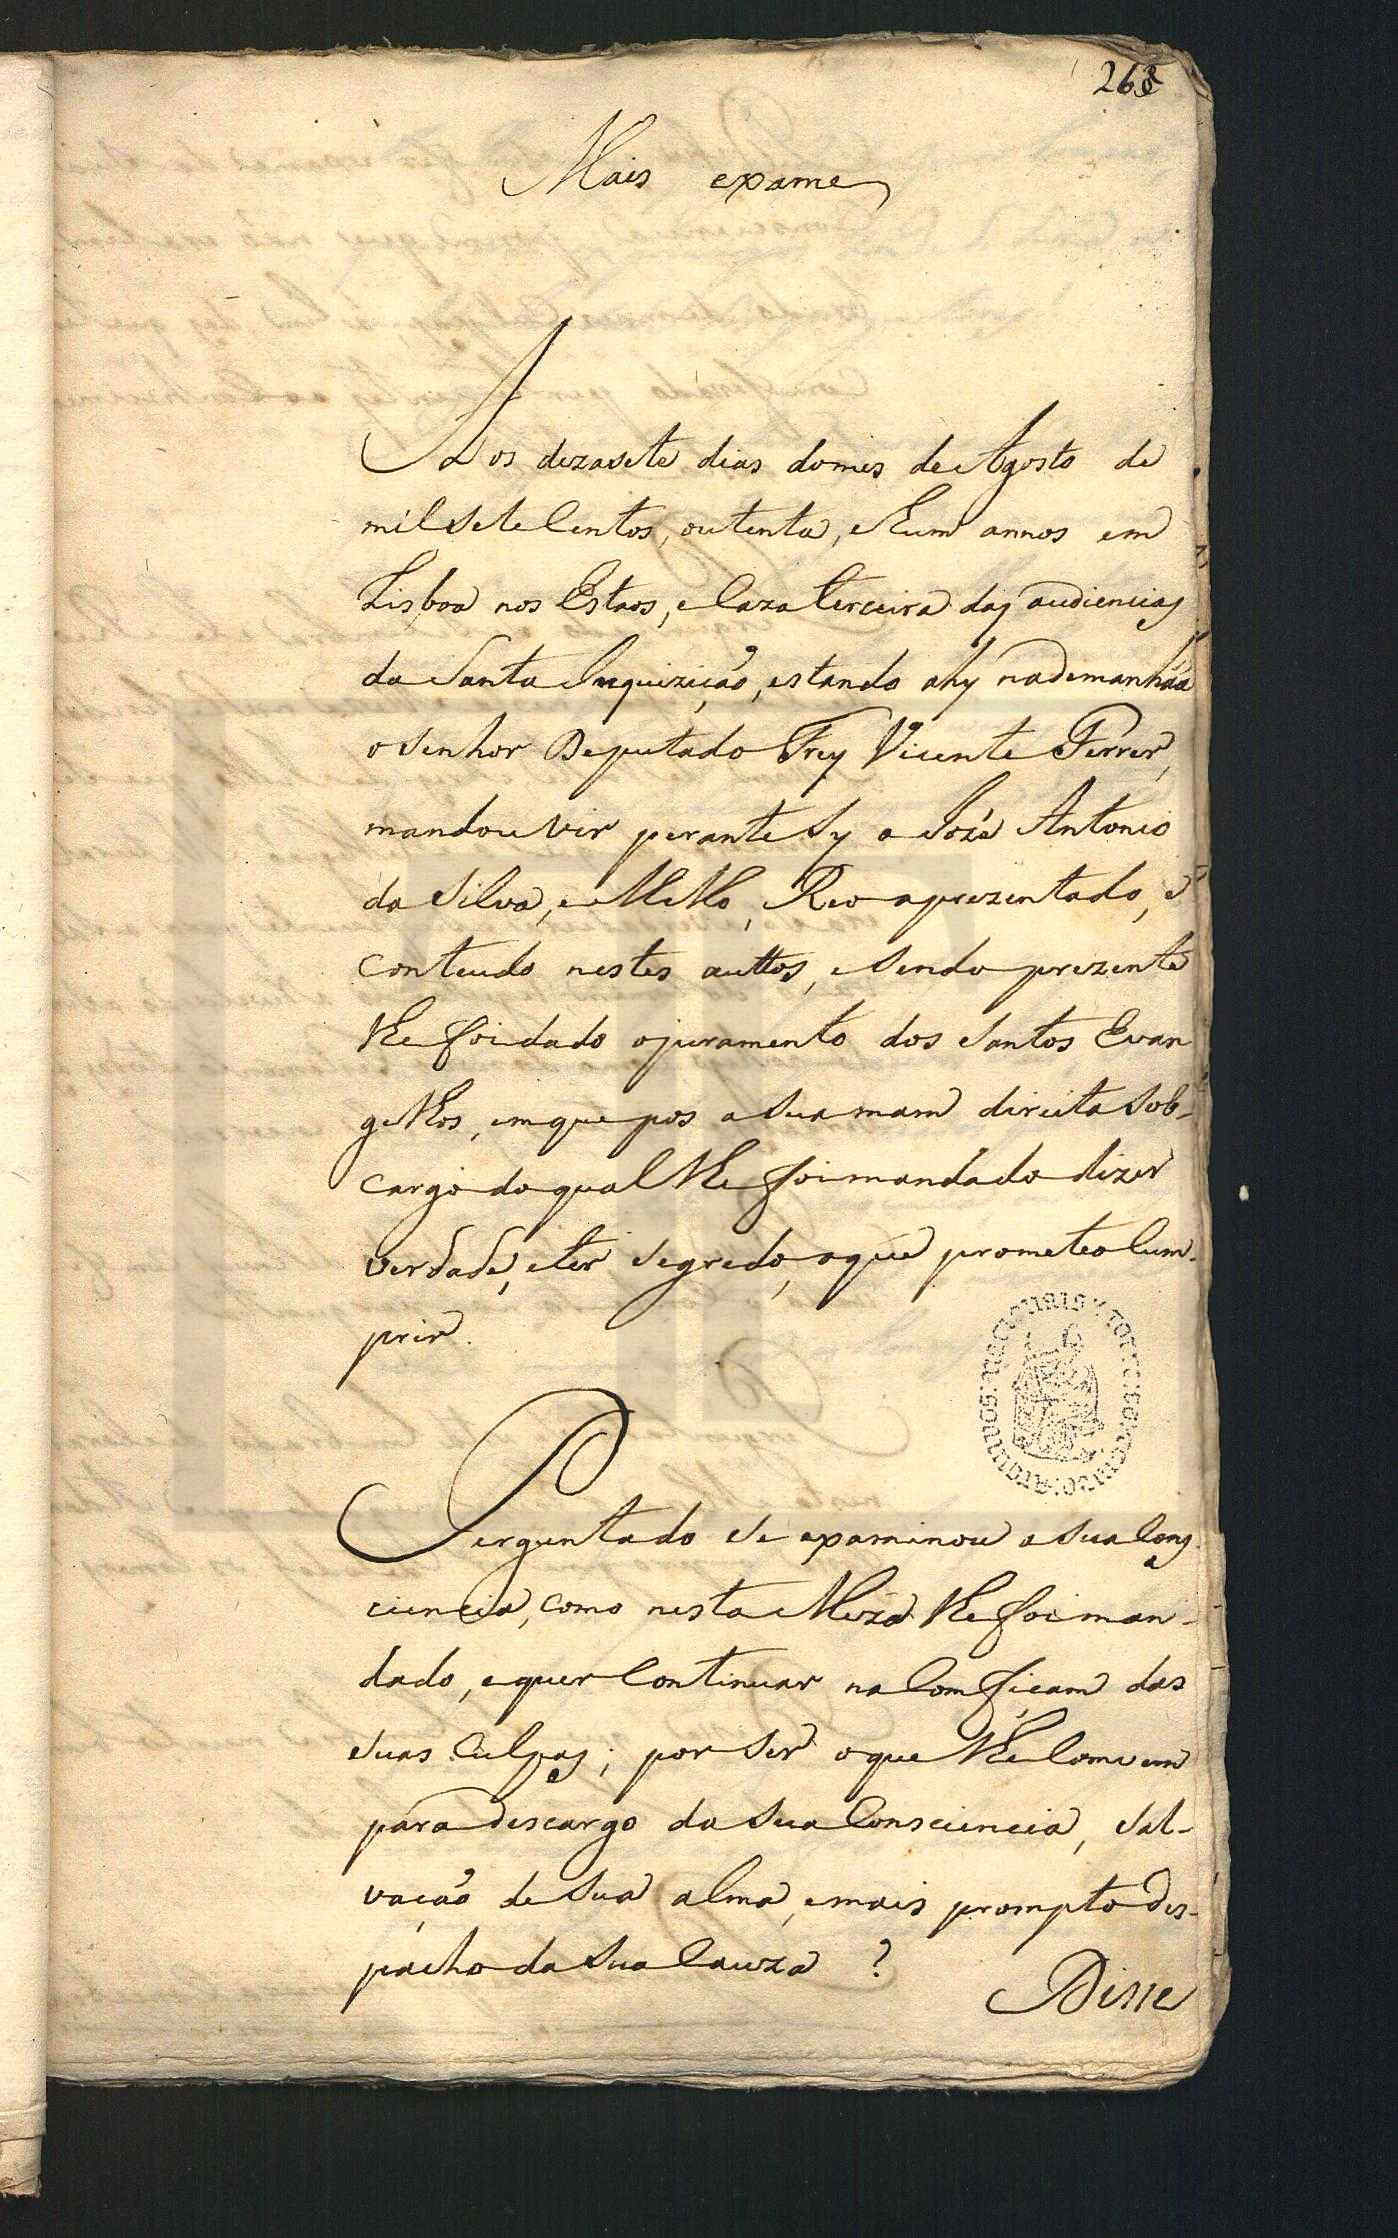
Mais exame
Aos dezasete dias do mes de Agosto de
mil SeteCentos, outenta, e hum annos em
Lisboa nos Estaos, e Caza terceira das audiencias
da Santa Inquiziçaõ, estando ahy na de manhaã
o Senhor Deputado Frey Vicente Ferrer,
mandou vir perante Sy a Iozé Antonio
da Silva, e Mello Reo aprezentado, e
conteudo nestes auttos, e Sendo prezente
lhe foi dado o juramento dos Santos Evan
gelhos, em que pos a Sua mam direita sob
cargo do qual lhe foi mandado dizer
verdade, e ter segredo, o que prometeo Cum
prir.
Perguntado se examinou a sua cons
ciencia, como nesta Meza lhe foi man
dado, e quer continuar na Comfiçam das
suas Culpas; por ser o que lhe Comvem
para descargo da Sua Consciencia, sal
vaçaõ de Sua alma, e mais prompto des
pacho da Sua Cauza?
Disse
